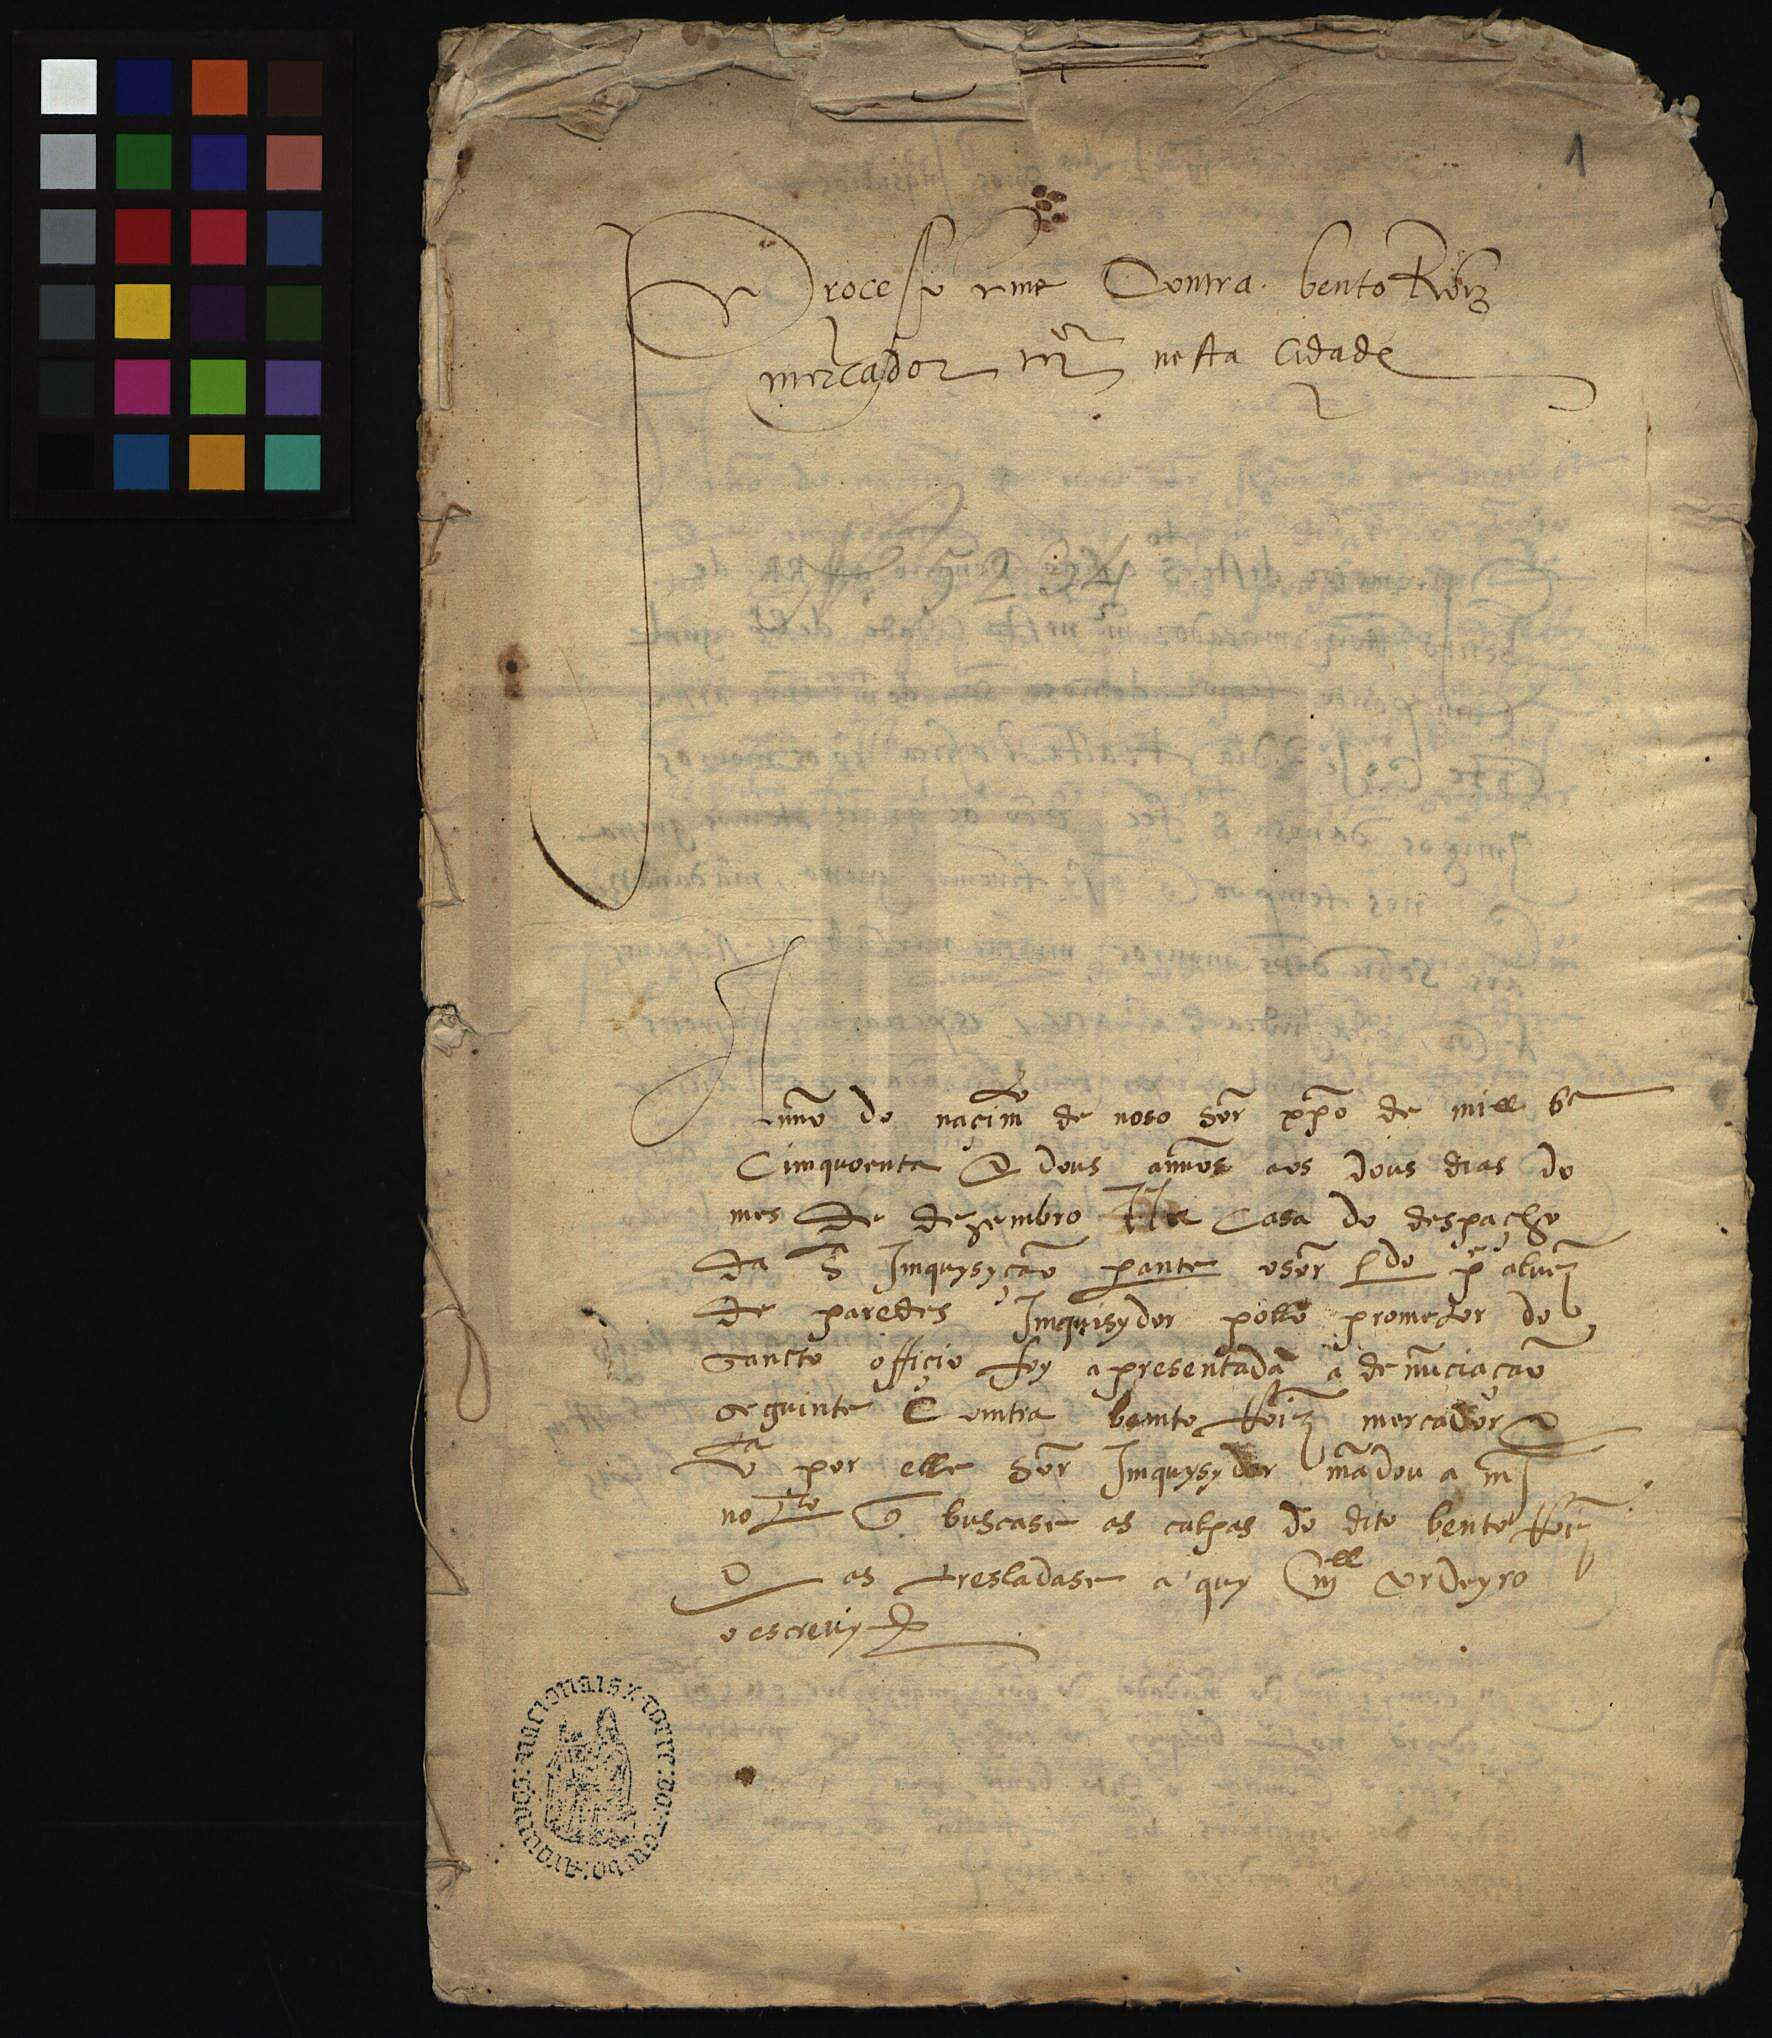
Proceso em Contra bento Roīz
mercador mor nesta cidade
Anno do nacimto de noso so̅r xp̅o de mill bc
cimquoenta e dous annos aos dous dias do
mes de dezembro Na casa do despacho
da sta Jmquysição ꝑante o so̅r Ldo pe aluēz
de paredes Jmquisydor pollo prometor do
sancto offiçio foy apresentada denūciação
seguinte Comtra bemto Rōiz mercador e
vta por elle so̅r Jmquysydor mādou a mj̄
notro q̄ buscase as culpas do dito bento Roīz
e as tresladase aquy mell cordeyro
o escreuy
